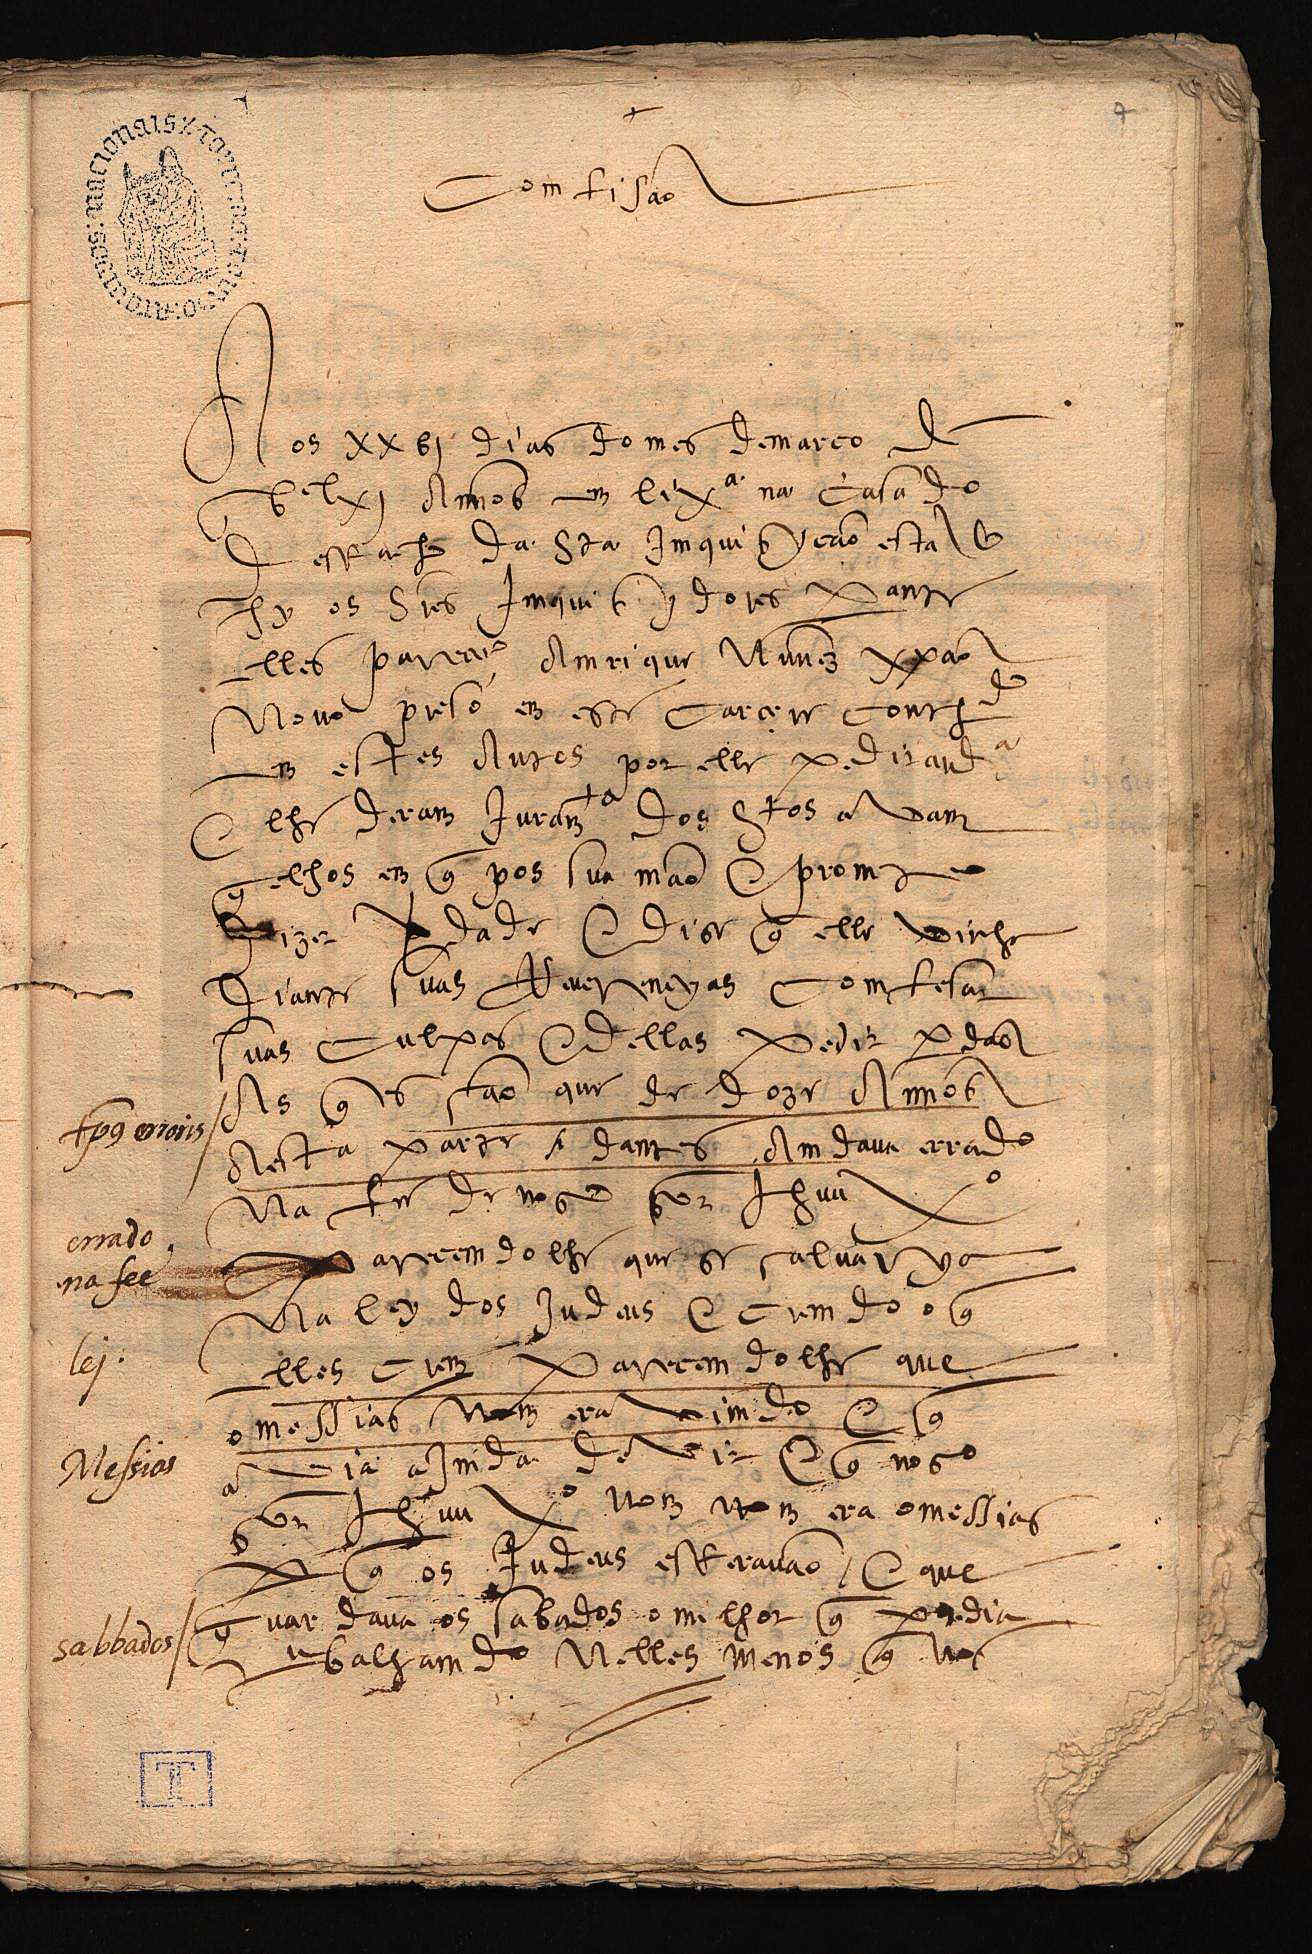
Comfisão
Aos xxbj dias do mes de março de
j̄ bc lxj Ann̄os em lixa na casa do
despacho da Sta Jmquisycaõ esta̅do
hy os Sr̅es Jmquisydores ꝑante
elles parecço Amrique Nun̄ez Xpaõ
Nouo preso em este Carçere conthdo
em estes Autos por elle pedir auda
e lhe deram Juramto dos Stos avam
gelhos em q̅ pos sua mão e prometeo
dizer ꝟdade e dise q̅ elle vinha
diante suas Reuerencyas Comfesar
suas Culpas e dellas pedir ꝑdão
As q̅es são que de doze Anno̅s
A esta parte e dantes Amdaua errado
Na fee de noso s̅or Jhuu̅ Xo
parecemdo lhe que se saluarya
Na ley dos Judeus e cremdo o q̅
elles crem parecemdo lhe que
o messias n_m era vimdo e q̅
avia aJmda de vir e q̄ noso
sōr Jhuu Xo nom nom era o messias
ꝑ q̅ os Judeus esperauão / e que
guardaua os sabados o milhor q̅ podia
t̄balhamdo Nelles menos q̅ nos
